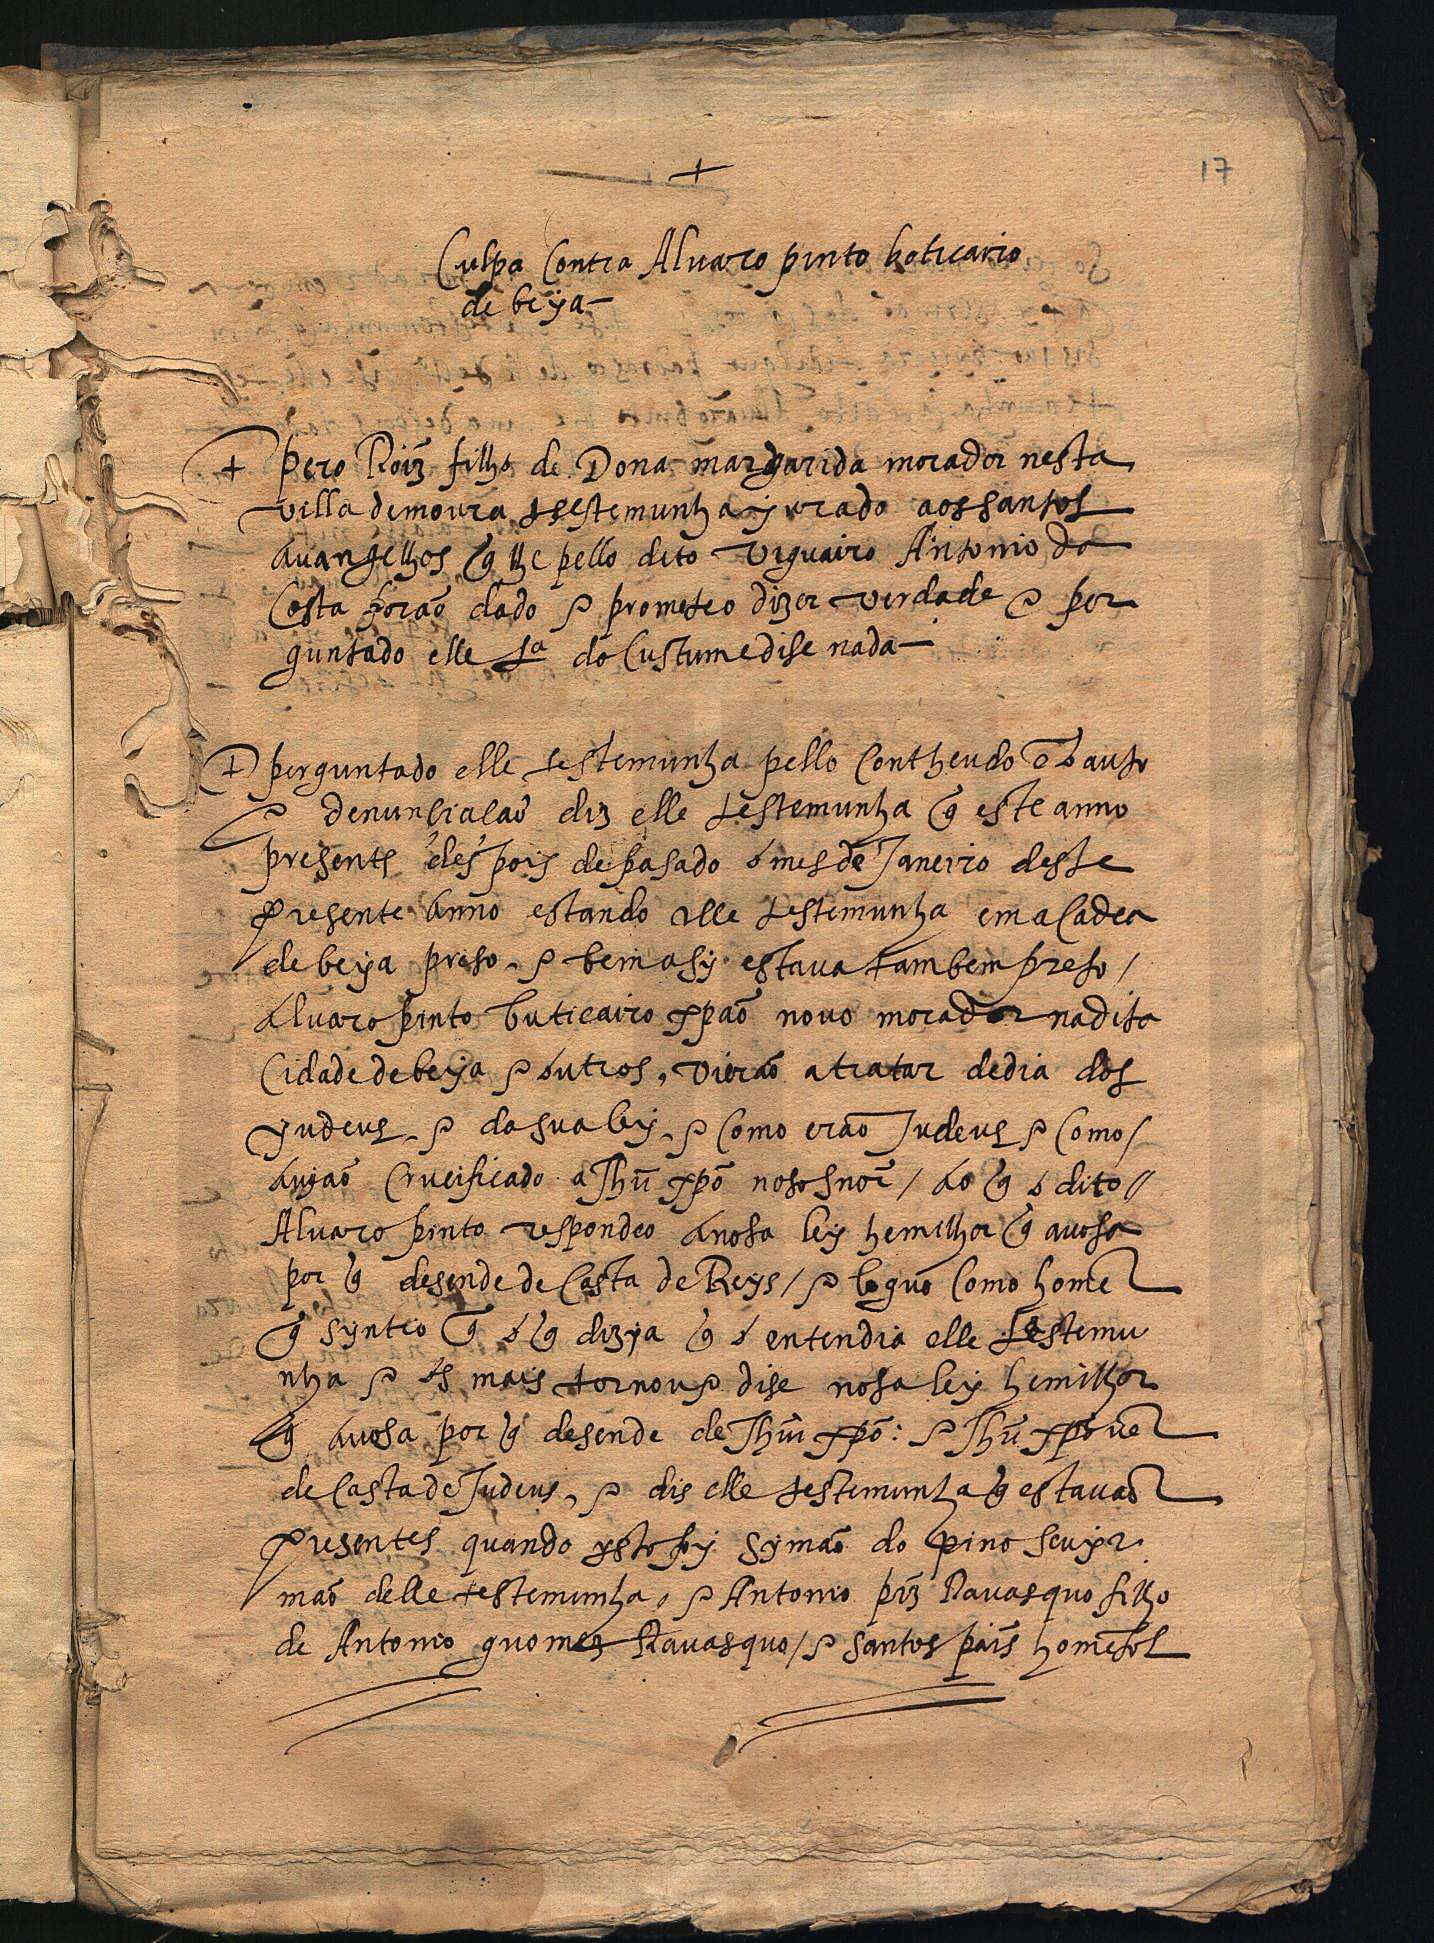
Culpa Contra Aluaro pinto boticairo
de beya –
item pero Roiz̄ filho de Dona margarida morador nesta
villa de moura teestemunha yurado aos santos
auangelhos q̄ lhe pello dito viguairo Antonio da
Costa foraõ dado e prometeo dizer verdade e per
guntado elle ta do Custume e dise nada –
item perguntado elle testemunha pello Contheudo ē o auto
e denunciaçaõ diz elle testemunha q̄ este anno
presentꝭ despois de pasado o mes de Janeiro deste
presente anno estando elle testemunha em a Cadea
de beya preso, e bem asy estaua tambem preso /
aluaro pinto buticairo xpaõ nouo morador na dita
Cidade de beya e outros, vieraõ a tratar de dia dos
yudeus, e da sua ley, e Como eraõ Judeus e Como/
aujaõ Crucificado a Jhū xpō noso snor̄ / ao q̄ o dito //
Aluaro pinto respondeo a nosa ley he milhor q̄ a uosa
porq̄ desende de Casta de Reys / e loguo Como homē
q̄ syntio q̄ o q̄ dizya q̄ o entendia elle testemu
nha e os mais tornou e dise nosa ley he milhor
q̄ a uosa porq̄ desende de Jhūu xpō: e Jhū xpō uē
de Casta de Judeus, e dis elle testemunha q̄ estauaõ
presentes quando ysto foy Symaõ do pino seu yr
maõ delle testemunha, e Antonio piz̄ Rauasquo filho
de Antonio guomez Rauasquo / e Santos pais homē soL
